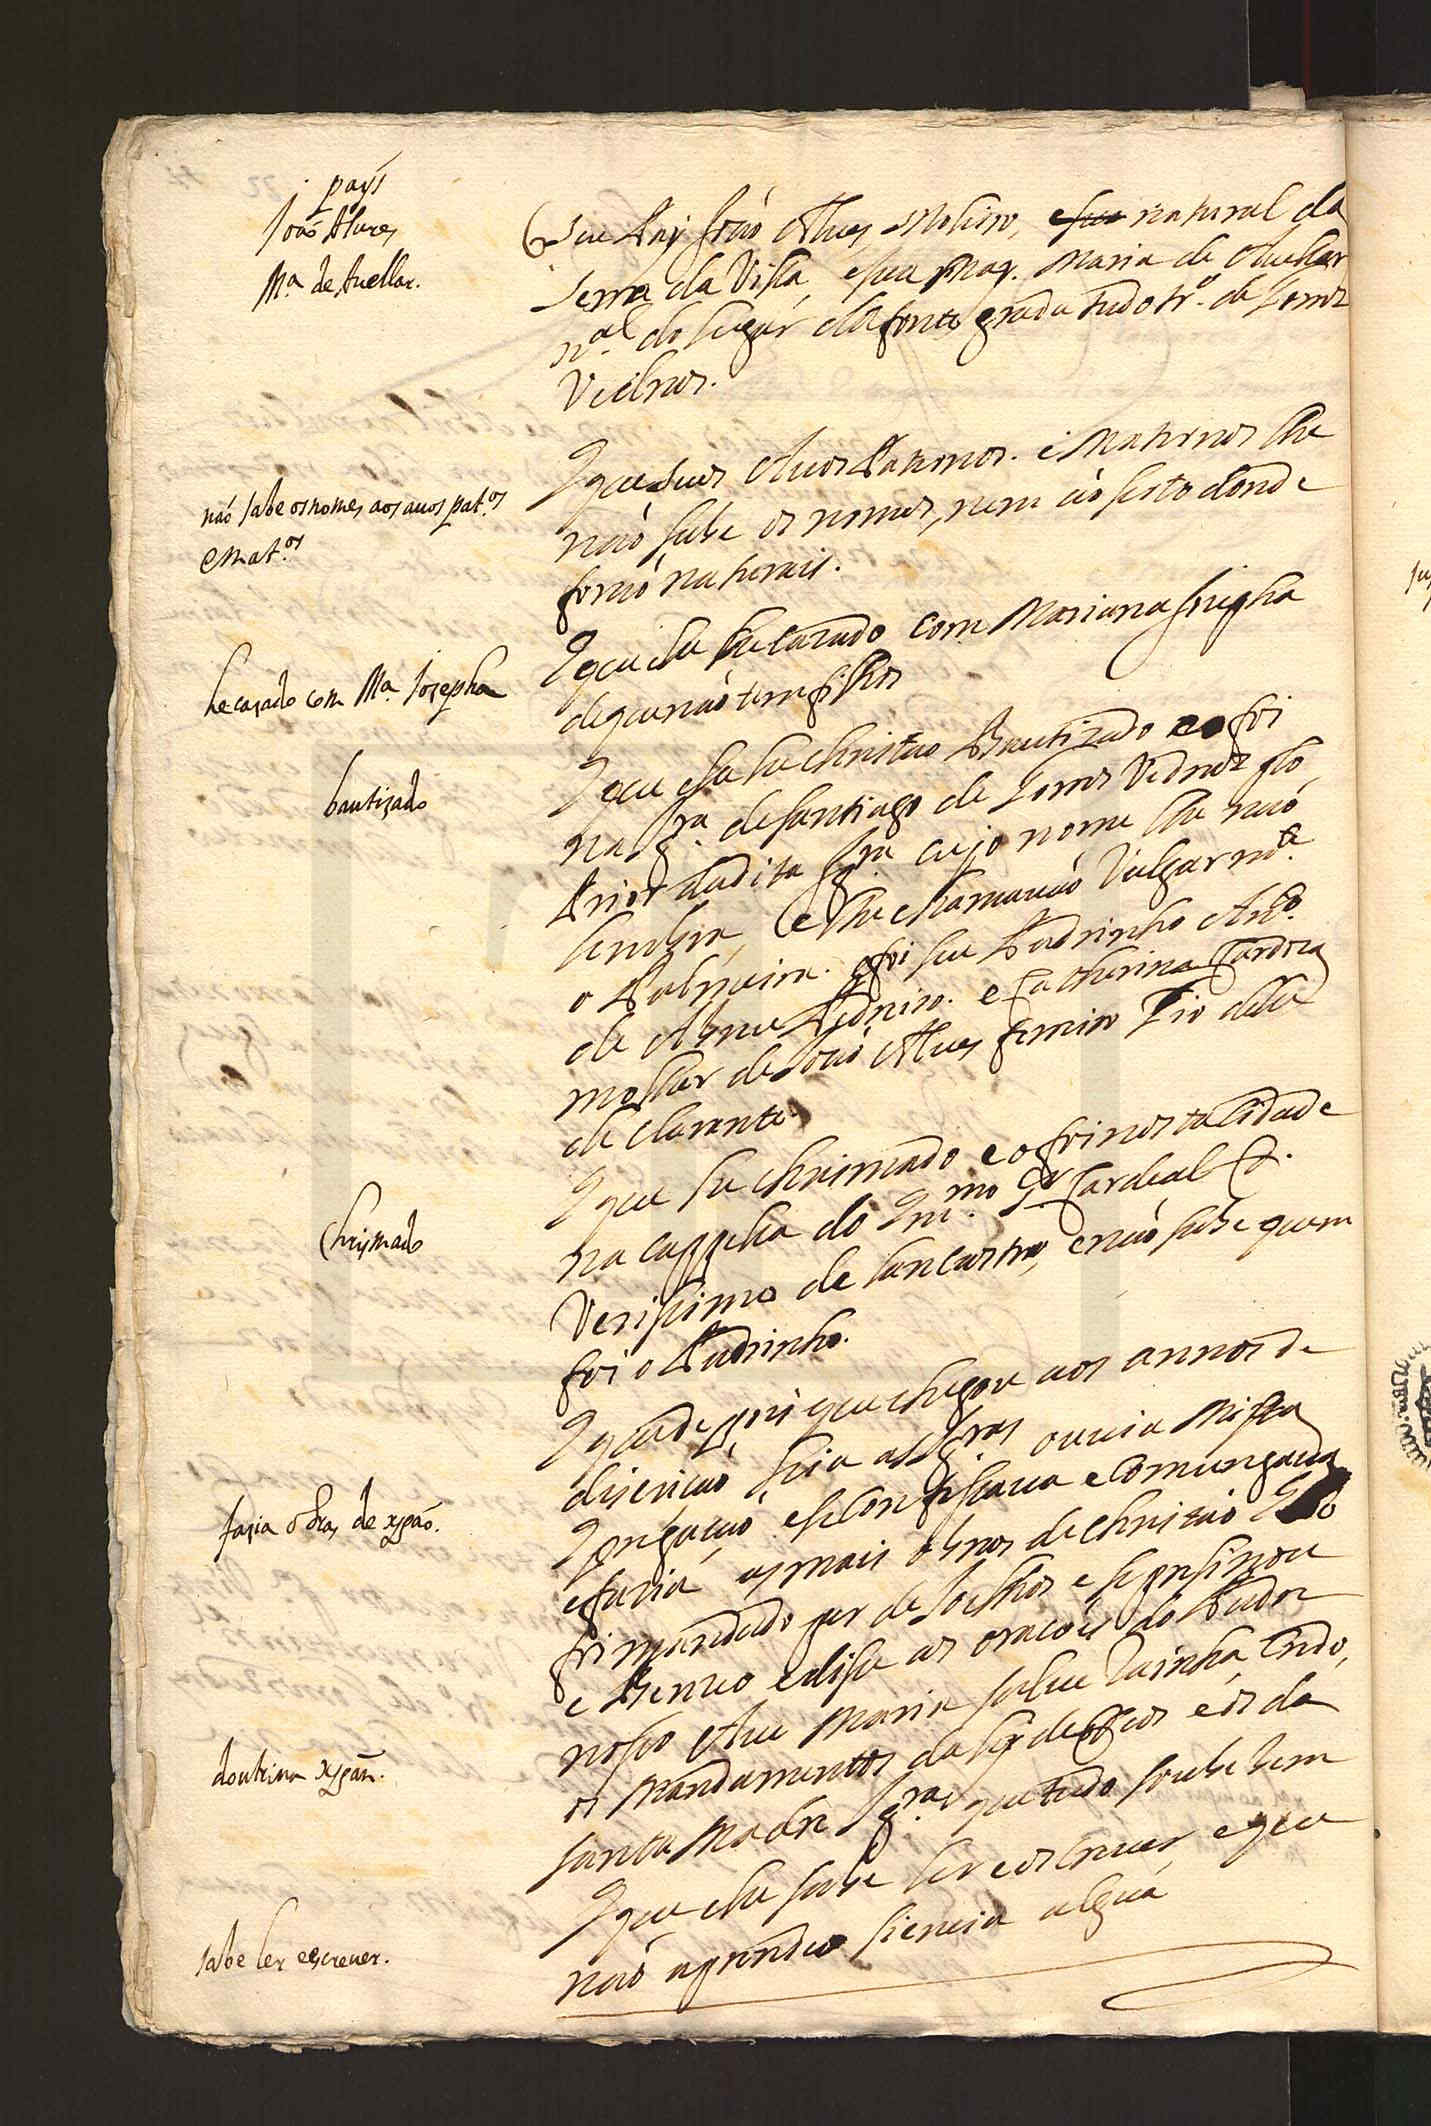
paȳs
Joaõ Alures
M.a de Auellar.
seu Pay Joaõ Alues Moleiro,
e sua
natural da
Serra da Villa, e sua may. Maria de Auellar
n.al do lugar da fonte grada tudo tr.o de Torres
Vedras.
naõ sabe os nomes aos auos pat.os
e mat.os
E que seus Auos Paternos. e Maternos lhe
naõ sabe os nomes, nem ao serto donde
forão naturais.
E que elle he cazado com Mariana Josepha
de que naõ tem filhos
he casado com M.a Josepha
bautizado
E que elle he christaõ Bautizado e o foi
na Igra. de santiago de Torres Vedras plo
Prior da dita Jg.ra cujo nome lhe naõ
lembra, e lhe chamauaõ Vulgarm.te
o Palmeira. e foi seu Padrinho Anto.
de Abreu Pedreiro. e Catherina Cardoza
molher de Ioaõ Alues ferreiro Tio delle
declarante.
Chrismado
E que he chrismado e o foi nesta Cidade
na cappella do Em.mo s.or Cardeal d̄.
Verissimo de Lancastre, e naõ sabe quem
foi o Padrinho.
fazia obras de xpaõ.
E que depois que chegou aos annos de
discriçaõ hia as Ig.ras ouuia Missa
E pregaçaõ e se confessaua e comungaua
e fazia as mais obras de christaõ E o
foi mandado per de Ioelhos e se presinou
e Benzeo e disse as oraçoẽs do Pader
nosso Aue maria salue Rainha, Credo,
os mandamentos da ley de Deos e os da
santa Madre Ig.ra que tudo soube bem
doutrina xpãn.
E que elle sabe ler e escreuer e que
naõ aprendeo siencia alguã
sabe ler e escreuer.
